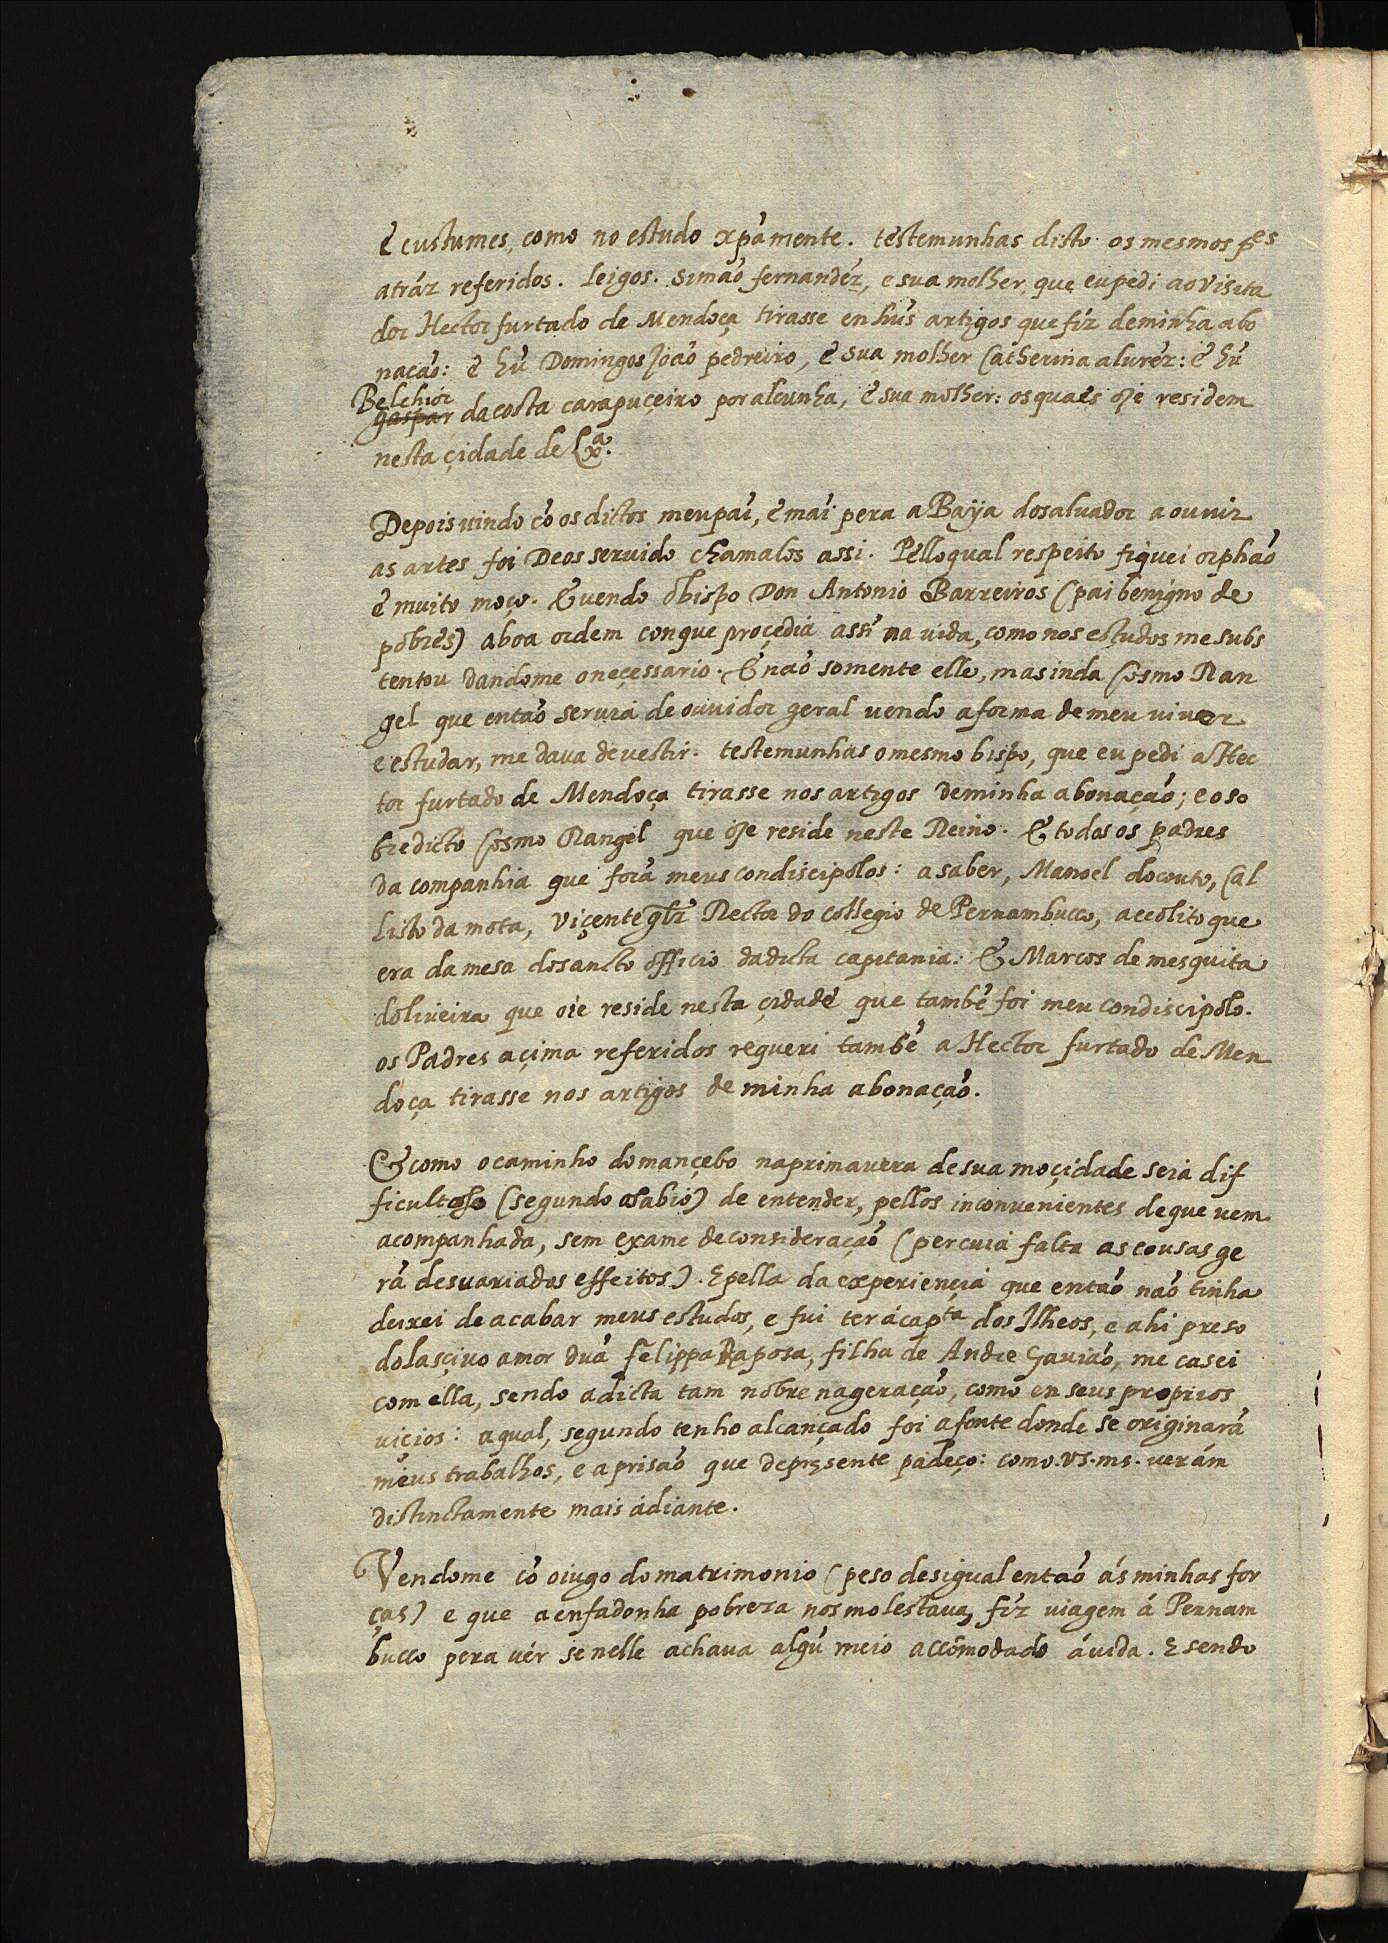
e custumes, como no estudo xpāmente. testemunhas disto os mesmos pes
atráz referidos. Leigos. simão fernandez̄, e sua molher que eu pedi ao visita
dor Hector furtado de Mendoça tirasse em hūs artigos que fiz de minha abo
nação: e hū Domingos João pedreiro, e sua molher Catherina alurez̄: e hū
Belchior
gaspar da costa carapuçeiro por alcunha, e sua molher: os quais oje residem
nesta çidade de Lxa.
Depois uindo cō os dictos meu paī, e maĩ pera a Baya do saluador a ouuir
as artes foi Deos seruido chamalos a ssi. Pello qual respeito fiquei orphaõ
e muito moço. E uendo o bispo Don Antonio Barreiros (pai benigno de
pobres) a boa ordem con que proçedia assī na uida como nos estudos me subs
tentou dandome o neçessario. E naõ somente elle, mas inda Cosmo Ran
gel que entaõ seruia de ouuidor geraluendo a forma de meu uiuer
e estudar, me daua de uestir. testemunhas o mesmo bispo, que eu pedi a Hec
tor furtado de Mendonça tirasse nos artigos de minha abonaçaõ; e o so
bredicto Cosmo Rangel que oje reside neste Reino. E todos os padres
da companhia que forā meus condiscipolos: a saber, Manoel do couto, Cal
Listo da mota, Viçente ḡlz Rector do collegio de Pernambucco, accolito que
era da mesa do sancto officio da dita capitania: E Marcos de mesquita
doliueia que oie reside nesta çidade que tambē foi meu condiscipolo.
os Padres açima referidos requeri tambē a Hector furtado de Men
doça tirasse nos artigos de minha abonaçaõ
E como o caminho do mançebo na primauera de sua moçidade seia dif
ficultoso (segundo o sabio) de entender, pellos inconuenientes de que uem
acompanhada, sem exame de consideraçaõ (per cuia falta as cousas ge
rā desuariados effeitos). E pella da experiençia que entaõ nõ tinha
deixei de acabar os meus estudos, e fui ter á capta dos Ilheos, e ahi preso
do lasçiuo amor duā Felippa Raposa, filha de Andre Gauião, me casei
com ella, sendo a dicta tam nobre na geração, como en seus proprios
uiçios: a qual, segundo tenho alcançado foi a doente donde se originarā
meus trabalhos, e a prisão que de presente padeço: como vs s uerám
distinctamente mais adiante.
Vendome cō o iugo do matrimonio (peso desigual entaõ ás minhas for
ças) e que a enfadonha pobreza nos molestaua, fiz̄ uiagem á Pernam
bucco pera uér se nelle achaua algū meio accōmodado á uida. E sendo
